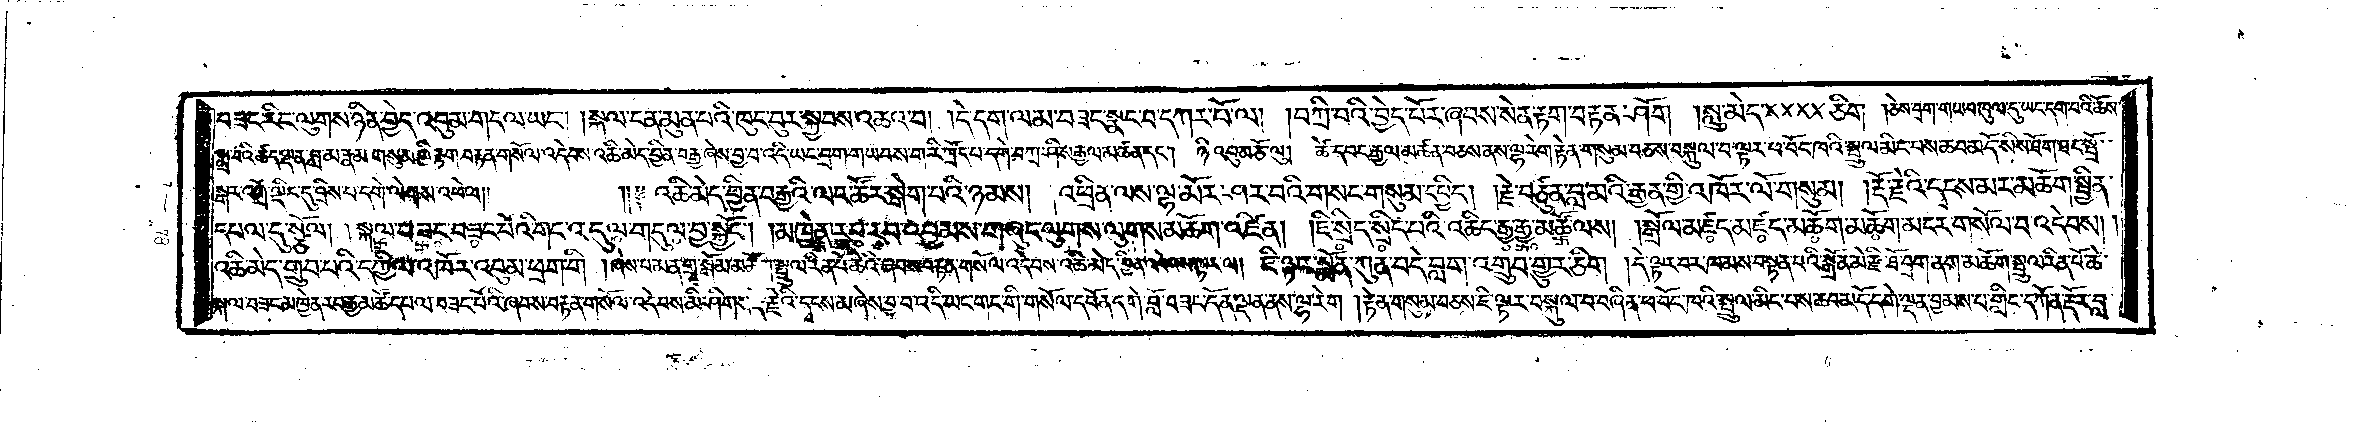བཟང་རིང་ལུགས་ཉིན་བྱེད་འབུམ་གདལ་ཡང་། །སྐལ་ངན་མུན་པའི་ཁུང་བུར་སྐྱབས་ང་ཆའ་བ། །དེ་དག་ལམ་བཟང་སྣང་བ་དཀར་པོ་ལ། །བཀྲི་བའི་བྱེད་པོར་ཞབས་སེན་རྟག་བརྟན་ཤོག །སླུ་མེད་྾྾྾་ཅིག །ཅེས་བྲག་གའི་ཡ་ཁུལ་དུ་ཡང་དག་བའི་ཆོས་
སྨྲ་བའི་ཚད་ལྡན་བླ་མ་རྣམ་གསུམ་གྱི་རྟག་བརྟན་གསོལ་འདེབས་འཆི་མེད་བྱིན་བརྒྱ་ཞེས་བྱ་བ་འདི་ཡང་བྲག་གཡབ་ས་ག་རི་ཁྲོད་པ་དགེ་བཀྲ་ཤིས་རྒྱལ་མཚན་དང་། ཉི་འབུམ་ཅོ་ལུ། ཚེ་དབང་རྒྱལ་མཚན་བཅས་ནས་ལྷ་རེག་རྟེན་གསུམ་བཅས་བསྐུལ་བ་ལྟར་ཕ་བོང་ཁའི་སྦྲུལ་མིང་བས་ཆབ་མདོ་སིས་ཐོག་ཐང་སྤྲོ་
སྒར་འགྲོ་ལྡིང་དུ་བྲིས་པ་དགེ་ལེགས་འཕེལ།། །། ༈ འཆི་མེད་བྱིན་བརྒྱའི་ལང་ཚོར་སྒེག་བའི་ཉམས། །འཕྲིན་ལས་ལྷ་མོར་ཤར་བའི་གསང་གསུམ་དཔྱིད། །རྗེ་བཙུན་བླ་མའི་རྒྱན་གྱི་འཁོར་ལོ་གསུམ། །རྡོ་རྗེའི་དྭངས་མར་མཆོག་སྦྱིན་
དཔལ་དུ་སྩོལ། །སྐལ་བཟང་བཟང་པོའི་གང་གདུལ་གདུལ་བྱ་སྐྱོང་། །མཁྱེན་རབ་རབ་འབྱམས་གཞུང་ལུགས་ལུགས་མཆོག་འཛིན། །ཇི་སྲིད་སྲིད་པའི་འཆིང་རྒྱ་རྒྱ་མཚོ་ལས། །སྒྲོལ་མཛད་མཛད་མཆོག་མཆོག་མངར་གསོལ་བ་འདེབས། །
འཆི་མེད་གྲུབ་པའི་དཀྱིལ་འཁོར་འབུམ་ཕྲག་གི་།ཞེས་པ་མན་གྲྭ་སྒོམ་མཆོག་སྤྲུལ་རིན་པོ་ཆེའི་ཞབས་བརྟན་གསོལ་འདེབས་འཆི་མེད་བྱིན་འབེབས་ལྟར་ལ།  ཇི་ལྟར་སྨོན་ཀུན་བདེ་བླག་འགྲུབ་གྱུར་ཅིག །དེ་ལྟར་བར་ཁམས་བསྟན་པའི་སྒྲོན་མེ་རྫི་ཐོ་བྲག་ནག་མཆོག་སྤྲུལ་རིན་པོ་ཆེ་
སྐལ་བཟང་མཁྱེན་རབ་རྒྱ་མཚོ་དཔལ་བཟང་པོའི་ཞབས་བརྟན་གསོལ་འདེབས་མི་ཤིགས་རྡོ་རྗེའི་དྭངས་མ་ཞེས་བྱ་བ་འདི་ཡང་གང་གི་གསོལ་དབོན་དགེ་བློ་བཟང་དོན་ལྡན་ནས་ལྷ་རེག །རྟེན་གསུམ་བཅས་ཇི་ལྟར་བསྐུལ་བ་བཞིན་ཕ་བོང་ཁའི་སྤྲུལ་མིང་བས་ཆབ་མདོ་དགེ་ལྡན་བྱམས་པ་གླིང་དཀོན་རྡོར་བླ་